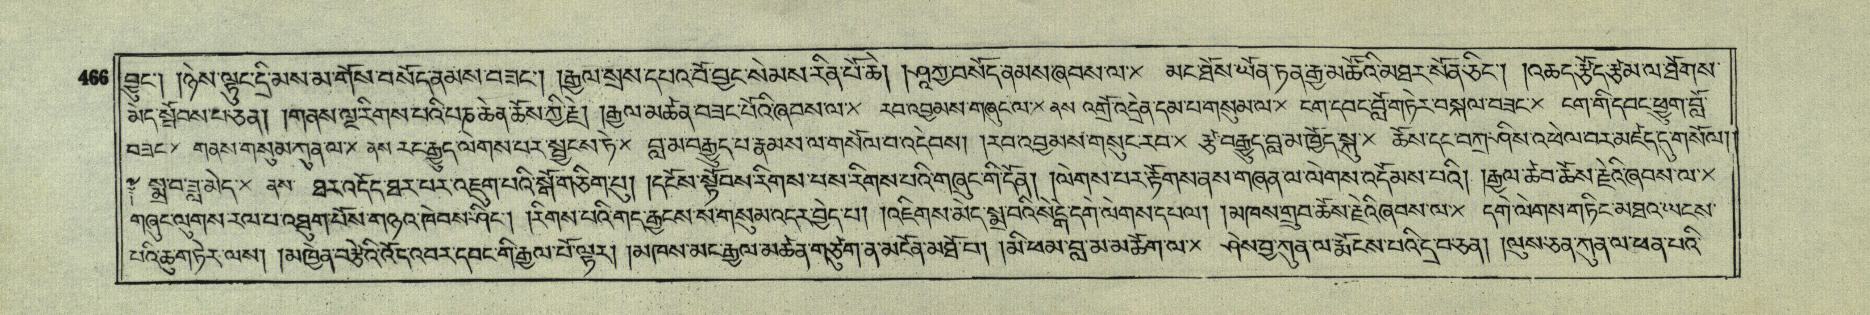བྱུང་། །ཉེས་ལྟུང་དྲི་མས་མ་གོས་བསོད་ནམས་བཟང་། །རྒྱལ་སྲས་དཔའ་བོ་བྱང་སེམས་རིན་པོ་ཆེ། །ཤཱཀྱ་བསོད་ནམས་ཞབས་ལ་྾་མང་ཐོས་ཡོན་ཏན་རྒྱ་མཚོའི་མཐར་སོན་ཅིང་། །འཆད་རྩོད་རྩམ་ལ་ཐོགས་
མེད་སྦོབས་པ་ཅན། །གནས་ལྔ་རིགས་པའི་པཎ་ཆེན་ཆོས་ཀྱི་རྗེ། །རྒྱལ་མཚན་བཟང་པོའི་ཞབས་ལ་྾་རབ་འབྱམས་གཞུང་ལ་྾་ནས་འགྲོ་འདྲེན་དམ་པ་གསུམ་ལ་྾་ངག་དབང་བློ་གཏེར་བསྐལ་བཟང་྾་ངག་གི་དབང་ཕྱུག་བློ་
བཟང་྾་གནས་གསུམ་ཀུན་ལ་྾་ནས་རང་རྒྱུད་ལེགས་པར་སྦྱངས་ཏེ་྾་བླ་མ་བརྒྱུད་པ་རྣམས་ལ་གསོལ་བ་འདེབས། །རབ་འབྱམས་གསུང་རབ་྾་རྩ་བརྒྱུད་བླ་མ་ཁྱོད་སྐུ་྾་ཆོས་དང་བཀྲ་ཤིས་འཕེལ་བར་མཛད་དུ་གསོལ། །
འ་སྨྲ་བ་ཟླ་མེད་྾་ནས་ཐར་འདོད་ཐར་པར་འཇུག་པའི་སྒོ་གཅིག་པུ། །དངོས་སྟོབས་རིགས་པས་རིགས་པའི་གཞུང་གི་དོན། །ལེགས་པར་རྟོགས་ནས་གཞན་ལ་ལེགས་འདོམས་པའི། །རྒྱལ་ཚབ་ཆོས་རྗེའི་ཞབས་ལ་྾་
གཞུང་ལུགས་རལ་པ་འཐུག་པོས་གཉའ་ཁེབས་ཤིང་། །རིགས་པའི་གད་རྒྱངས་ས་གསུམ་འདར་བྱེད་པ། །འཇིགས་མེད་སྨྲ་བའི་སེངྒེ་དགེ་ལེགས་དཔལ། །མཁས་གྲུབ་ཆོས་རྗེའི་ཞབས་ལ་྾་དགེ་ལེགས་གཏིང་མཐའ་ཡངས་
པའི་ཆུ་གཏེར་ལས། །མཁྱེན་བརྩེའི་འོད་འབར་དབང་གི་རྒྱལ་པོ་ལྟར། །མཁས་མང་རྒྱལ་མཚན་གཙུག་ན་མངོན་མཐོ་བ། །མི་ཕམ་བླ་མ་མཆོག་ལ་྾་ཤེས་བྱ་ཀུན་ལ་རྨོངས་པའི་དྲ་བ་ཅན། །ལུས་ཅན་ཀུན་ལ་ཕན་པའི་